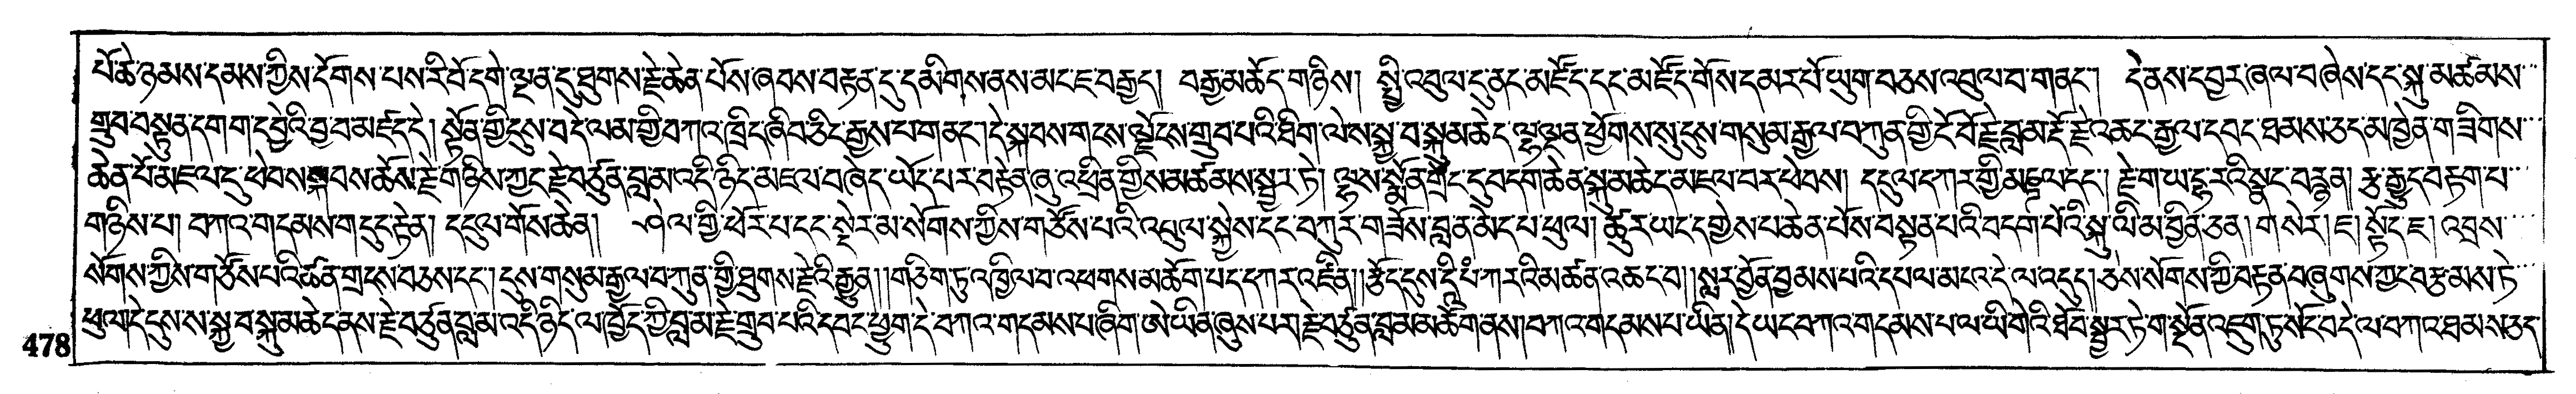བོ་ཆེ་ཉམས་དམས་ཀྱིས་དོགས་པས་རི་བོ་དགེ་ལྡན་དུ་ཐུགས་རྗེ་ཆེན་པོས་ཞབས་བརྟན་དུ་དམིགས་ནས་མང་ཇ་བརྒྱད། བརྒྱ་མཆོད་གཉིས། སྤྱི་འབུལ་དུ་ནང་མཛོད་དང་མཛོད་གོས་དམར་བོ་ཡུག་བཅས་འབུལ་བ་གནང་། དེ་ནས་དབྱར་ཞལ་བཞེས་དང་སྐུ་མཚམས་
གྲུབ་བསྟུན་དགག་དབྱེའི་བྱ་བ་མཛད་དེ། སྔོན་གྱི་དུས་བདེ་ལམ་གྱི་བཀའ་ཁྲིད་ཞིབ་ཅིང་རྒྱས་པ་གནང་། དེ་སྐབས་གངས་ལྗོངས་གྲུབ་པའི་ཐིག་ལེ་ས་སྐྱ་བ་སྐུ་མཆེད་ལྷ་ལྡན་ཕྱོགས་སུ་དུས་གསུམ་རྒྱལ་བ་ཀུན་གྱི་ངོ་བོ་རྗེ་བླ་མ་རྡོ་རྗེ་འཆང་རྒྱལ་དབང་ཐམས་ཅད་མཁྱེན་གཟིགས་
ཆེན་པོ་མཇལ་དུ་ཕེབས་སྐབས་ཆོས་རྗེ་གཉིས་ཀྱང་རྗེ་བཙུན་བླ་མ་འདི་ཉིད་མཇལ་བཞེད་ཡོད་པར་བརྟེན་ཞུ་འཕྲིན་གྱིས་མཚམས་སྦྱར་ཏེ། ལྷ་ས་སྨོན་གྲོང་དུ་བདག་ཆེན་སྐུ་མཆེད་མཇལ་བར་ཕེབས། དངུལ་དཀར་གྱི་མཎྜལ་དང་། རྗེ་ག་ཡ་དྷ་རའི་སྣང་བརྙན། རྩ་རྒྱུད་བརྟག་པ་
གཉིས་པ། བཀའ་གདམས་གདུང་རྟེན། དངུལ་གོས་ཆེན། ཤེལ་གྱི་ཕོར་པ་དང་སྡེར་མ་སོགས་ཀྱིས་གཙོས་པའི་འབུལ་སྐྱེས་དང་བཀུར་གཟོས་བླ་ན་མེད་པ་ཕུལ། ཚུར་ཡང་དགྱེས་པ་ཆེན་པོས་བསྟན་པའི་བདག་པོའི་སྐུ་ལི་མ་བྱིན་ཅན། གསེར། ཇ། སྟོད་ཇ། འབྲས་
སོགས་ཀྱིས་གཅོས་པའི་ཚན་གྲངས་བཅས་དང་། དུས་གསུམ་རྒྱལ་བ་ཀུན་གྱི་ཐུགས་རྗེའི་རྒྱུན། །གཅིག་ཏུ་འཁྱིལ་བ་འཕགས་མཆོག་པད་དཀར་འཛིན། །རྩོད་དུས་དཱི་པཾ་ཀ་རའི་མཚན་འཆང་བ། །སླར་བྱོན་བྱམས་པའི་དཔལ་མངའ་དེ་ལ་འདུད། ཅེས་སོགས་ཀྱི་བརྟན་བཞུགས་ཀྱང་བརྩམས་ཏེ་
ཕུལ། དེ་དུས་ས་སྐྱ་བ་སྐུ་མཆེད་ནས་རྗེ་བཙུན་བླ་མ་འདི་ཉིད་ལ་ཁྱེད་ཀྱི་བླ་མ་རྗེ་གྲུབ་པའི་དབང་ཕྱུག་དེ་བཀའ་གདམས་བ་ཞིག་ཨེ་ཡིན་ཞུས་པར། རྗེ་བཙུན་བླ་མ་མཆོག་ནས། བཀའ་གདམས་པ་ཡིན། དེ་ཡང་བཀའ་གདམས་བ་ལ་ཡི་གེའི་ཐོབ་སྦྱར་ཏེ་ག་སྔོན་འཇུག་ཏུ་སོང་བ་དེ་ལ་བཀའ་ཐམས་ཅད་